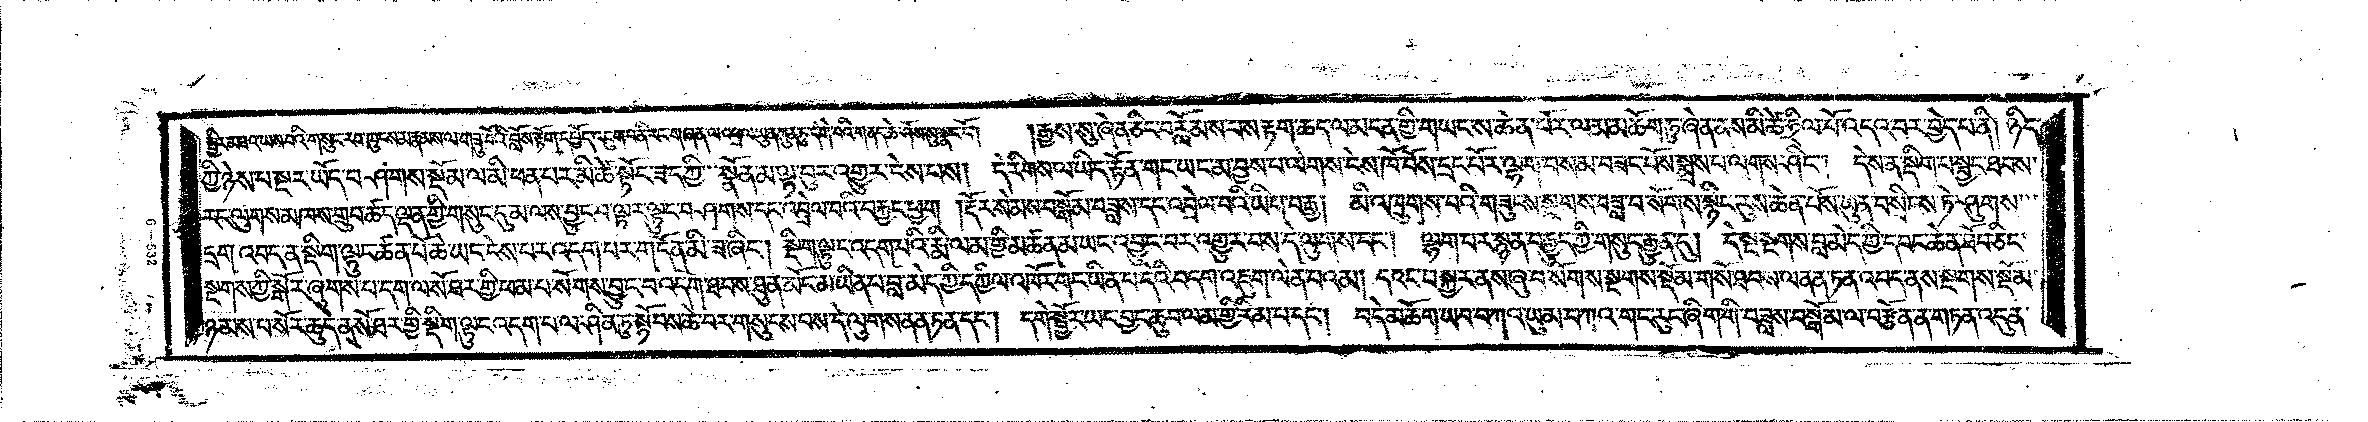སྤྱིར་མཐའ་ཡས་པའི་གསུང་རབ་ཁུངས་མ་རྣམས་ལ་གཟུ་བོའི་བློས་རྟོག་དཔྱོད་འཇུག་བ་ནི་རང་གཞན་ལ་འཕྲལ་ཡུན་ཀུན་ཏུ་དགེ་བའི་གནད་ཆེ་ཤོས་སུ་སྣང་ངོ། རྒྱས་སུ་ཞེན་ཅིང་བརློམས་པས་རྟག་ཆད་ལམ་ངན་གྱི་གཡངས་ཆེན་པོར་ལམ་མཆོག་ཏུ་ཞེན་ནས་མི་ཚེ་ཧྲིལ་པོ་འདའ་བར་བྱེད་པ་ནི། ཉིད་
ཀྱི་ཉེས་པ་སྔར་ཡོད་བཤགས་སྡོམ་ལ་མི་ཕན་པར་མི་ཚེ་སྟོང་ཟད་ཀྱི་སྣོན་མ་ལྟ་བུར་འགྱུར་ངེས་པས། དེ་རིགས་ལ་ཡིད་རྟོན་གང་ཡང་མ་བྱས་པ་ལེགས་ངེས་ཁོ་བོས་དྲང་པོར་ལྷག་བསམ་བཟང་པོས་སྨྲས་པ་ལགས་ཤིང་། དེས་ན་སྡིག་པ་སྦྱང་ཐབས་
རང་ལུགས་མཁས་གྲུབ་ཚད་ལྡན་གྱི་གསུང་དུ་མ་ལས་བྱུང་བ་ལྟར་ལྟུང་བཤགས་དང་འབྲེལ་བའི་བརྐྱང་ཕྱག །རྡོར་སེམས་བསྒོམ་བཟླས་དང་འབྲེལ་བའི་ཡིག་བརྒྱ། མི་འཁྲུགས་པའི་གཟུངས་སྔགས་བཟླ་བ་སོགས་སྙིང་རུས་ཆེན་པོས་ཡུན་བསྲིངས་ཏེ་ཤུགས་
དྲག་འབད་ན་སྡིག་ལྟུང་ཚན་པོ་ཆེ་ཡང་ངེས་པར་འདག་པར་གདོན་མི་ཟ་ཞིང་། སྡིག་ལྟུང་འདག་པའི་རྨི་ལམ་གྱི་མཚན་མ་ཡང་འབྱུང་བར་འགྱུར་པས་དེ་ལུགས་དང་། ལྷག་པར་སྙན་བརྒྱུད་ཀྱི་གསུང་རྒྱུན་དུ། དེ་སྔ་སྔགས་བླ་མེད་ཀྱི་དབང་ཆེན་ཐོབ་ཅིང་
སྔགས་ཀྱི་སྒོར་ཞུགས་པ་དག་ལ་སོ་ཐར་གྱི་ཕམ་པ་སོགས་བྱུང་བ་འདག་ཐབས་ཐུན་མོང་མ་ཡིན་པ་བླ་མེད་ཀྱི་དཀྱིལ་འཁོར་གང་ཡིན་པ་དེའི་བདག་འཇུག་ལེན་པའམ། དའང་བསྐྱར་ནས་ཞུ་བ་སོགས་སྔགས་སྡོམ་གསོ་ཐབས་ལ་ནན་ཏན་འབད་ནས་སྔགས་སྡོམ་
ཉམས་བ་སོར་ཆུད་ན་སོ་ཐར་གྱི་སྡིག་ལྟུང་འདག་པ་ལ་ཤིན་ཏུ་སྟོབས་ཆེ་བར་གསུངས་པས་དེ་ལུགས་ནན་ཏན་དང་། དགེ་སྦྱོར་ཡང་བྱང་ཆུབ་ལམ་གྱི་རིམ་པ་དང་། བདེ་མཆོག་ཡབ་བཀའ་ཡུམ་བཀའ་གང་རུང་ཞིག་གི་བཟླས་བསྒོམ་ལ་བརྩོན་ན་གཏན་འདུན་